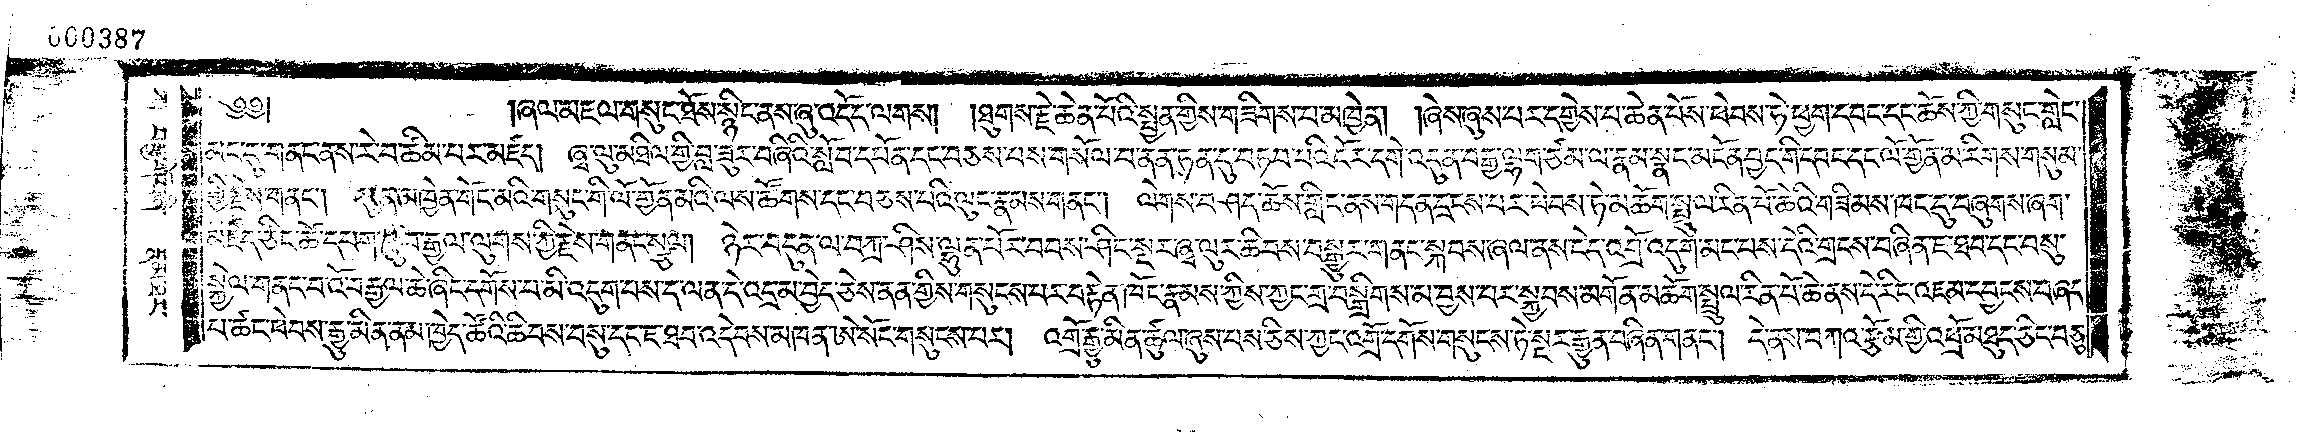༄༅། །ཞལ་མཇལ་གསུང་ཐོས་སྙིང་ནས་ཞུ་འདོད་ལགས། །ཐུགས་རྗེ་ཆེན་པོའི་སྤྱན་གྱིས་གཟིགས་པ་མཁྱེན། །ཞེས་ཞུས་པར་དགྱེ་པ་ཆེན་པོས་ཕེབས་ཏེ་ཕྱག་དབང་དང་ཆོས་ཀྱི་གསུང་གླེང་
མང་དུ་གནང་ནས་རེ་བ་ཚིམ་པར་མཛད། ཞྭ་ལུ་མཐིལ་གྱི་བླ་ཟུར་བཞིའི་སློབ་དཔོན་དང་བཅས་པས་གསོལ་བ་ནན་ཏན་དུ་བཏབ་པའི་ངོར་དགེ་འདུན་བརྒྱ་ལྷག་ཙམ་ལ་རྣམ་སྣང་མངོན་བྱང་གི་དབང་དང་ལོ་གྱོན་མ་རིགས་གསུམ་
གྱི་རྗེས་གནང་། ཀུན་མཁྱེན་གོང་མའི་གསུང་གི་ལོ་གྱོན་མའི་ལས་ཚོགས་དང་བཅས་པའི་ལུང་རྣམས་གནང་། ལེགས་བཤད་ཆོས་གླིང་ནས་གདན་དྲངས་པར་ཕེབས་ཏེ་མཆོག་སྤྲུལ་རིན་པོ་ཆེའི་གཟིམས་ཁང་དུ་བཞུགས་ཞག་
མཛད་ཅིང་ཚེ་དཔག་གྲུབ་རྒྱལ་ལུགས་ཀྱི་རྗེས་གནང་སྩལ། ཉེར་བདུན་ལ་བཀྲ་ཤིས་ལྷུན་པོར་བབས་ཤིང་སྔར་ཞྭ་ལུར་ཆིབས་བསྒྱུར་གནང་སྐབས་ཞལ་ནས་ངེད་འགྲོ་འདུག་མང་པས་དེའི་གྲངས་བཞིན་ཇ་ཐབ་དང་བསུ་
སྐྱེལ་གནང་བ་འོ་བརྒྱལ་ཆེ་ཞིང་དགོས་པ་མི་འདུག་པས་ད་ལན་དེ་འདྲ་མ་བྱེད་ཅེས་ནན་གྱིས་གསུངས་པར་བརྟེན་ཁོང་རྣམས་ཀྱིས་ཀྱང་གྲ་བསྒྲིགས་མ་བྱས་བར་སྐྱབས་མགོན་མཆོག་སྤྲུལ་རིན་པོ་ཆེ་ནས་དེ་རིང་འཇམ་དབྱངས་བཞད་
པ་ཚང་ཕེབས་རྒྱུ་མིན་ནམ་ཁྱེད་ཚོའི་ཆིབས་བསུ་དང་ཇ་ཐབ་འདེབས་མཁན་ཨེ་སོང་གསུངས་པར། འགྲོ་རྒྱུ་མིན་ཚུལ་ཞུས་བས་ཅིས་ཀྱང་འགྲོ་དོགས་གསུངས་ཏེ་སྔར་རྒྱུན་བཞིན་གནང་། དེ་ནས་བཀའ་རྩོམ་གྱི་འཕྲོ་མཐུད་ཅིང་བཅུ་